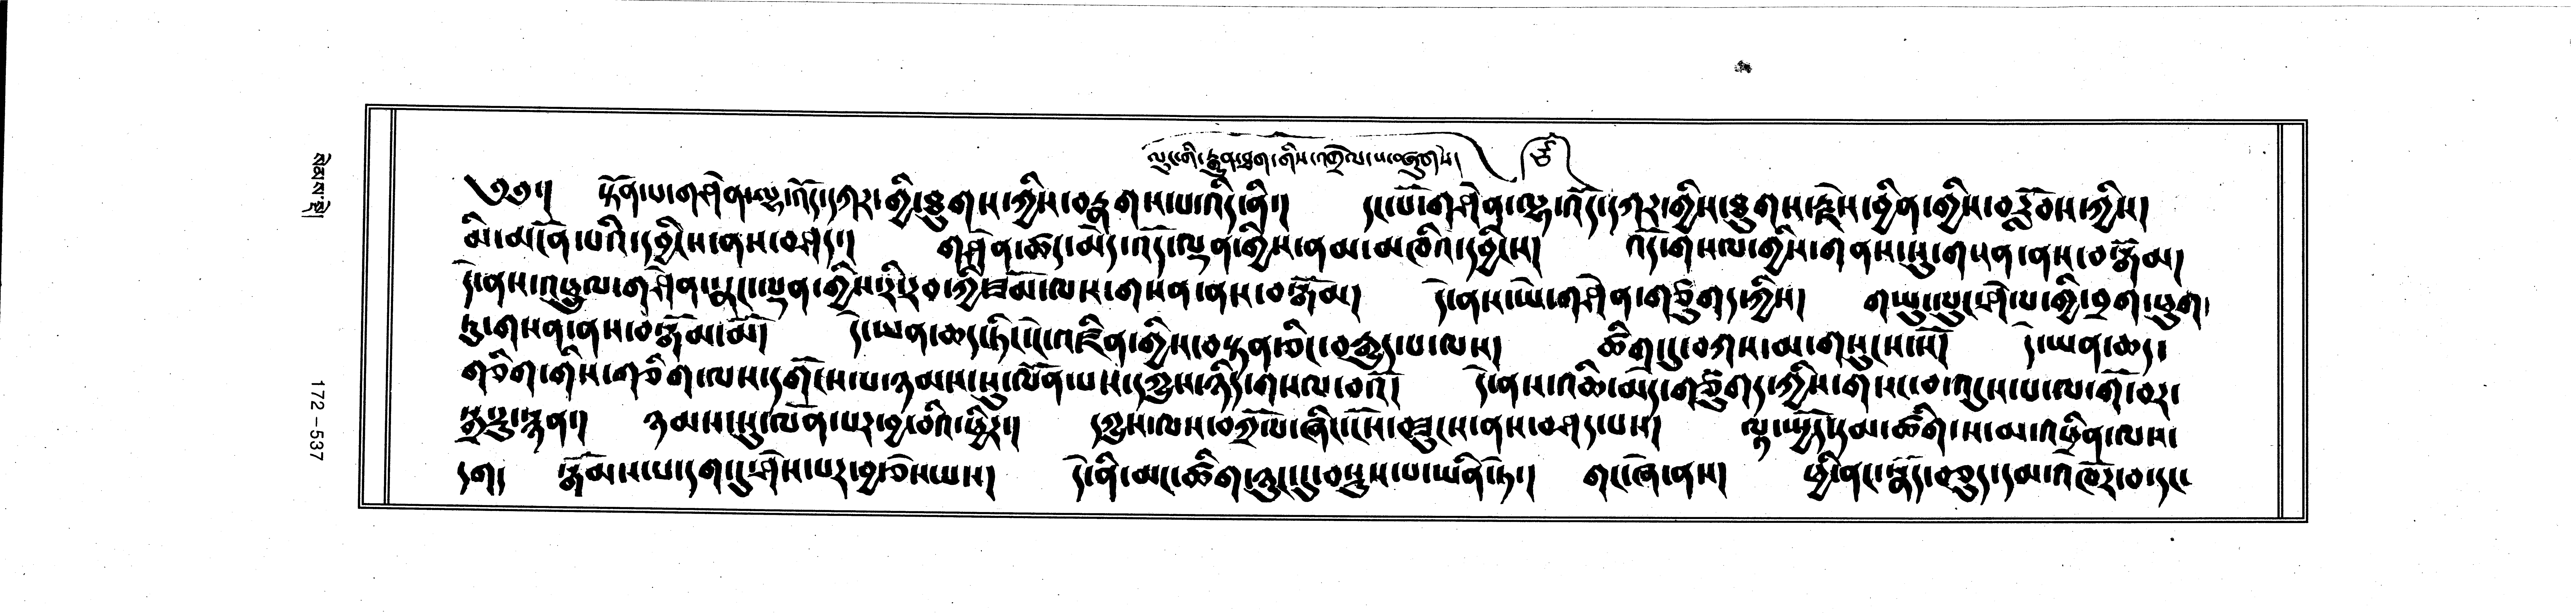༼ཙ༽ལུང་གི་རྒྱུན་ཐག་གིས་འགྲེལ་པ་བཞུགས་སོ།།༄༅།། །།སྟོན་པ་གཤེན་ལྷ་འོད་དཀར་གྱི་ཐུགས་ཀྱིས་བརྣགས་པ་འདི་ནི། དང་པོ་གཤེན་ལྷ་འོད་དཀར་གྱིས་ཐུགས་རྗེས་བྱིན་གྱིས་བརློབས་ཀྱིས། 
མི་མངོན་པའི་དབྱིངས་ནས་བཤད། གཤེན་ཚད་མེད་འོད་ལྡན་གྱིས་ནམ་མཁའི་དབྱིངས། འོད་གསལ་གྱིས་གནས་སུ་གསན་ནས་བསྒོམ། 
དེ་ནས་འཕྲུལ་གཤེན་སྣང་ལྡན་གྱིས་རི་རབ་ཀྱི་ཟོམ་ལས་གསན་ནས་བསྒོམ། དེ་ནས་ཡེ་གཤེན་གཙུག་ཕུད་ཀྱིས། གཡུང་ལུང་ཤེལ་གྱི་བྲག་ཕུག་
ཏུ་གསན་ནས་བསྒོམ། དེ་ཡན་ཆད་ཏིང་ངེ་འཛིན་གྱིས་བསྟན་ཅིང་བརྒྱུད་པ་ལས། ཚིག་དུ་བཀས་མ་གསུངས་སོ། དེ་ཡན་ཆད་
གཅིག་གིས་གཅིག་ལས་དགོངས་པ་ཉམས་སུ་ལོན་པས་དཀྱིས་ཉིད་གསལ་བའོ། དེ་ནས་འཆི་མེད་གཙུག་ཕུད་ཀྱིས་གསང་བ་འདུས་པ་ལ་གོ་བར་
སྒྲ་རུ་སྙན། ཉམས་སུ་ལོན་པར་བྱ་བའི་ཕྱིར། དཀྱུས་ལས་བཀྲོལ་ཞིང་ངོས་བཟུང་ནས་བཤད་པས། ལྟ་སྤྱོད་དམ་ཚིག་ས་མ་འཕྲིན་ལས་
དག སྒོམས་པ་དག་དུ་ཤེས་པར་བྱ་ཅེས་པས། དེ་ནི་མང་ཚིག་ཉུང་དུ་བསྡུས་པ་ཡིན་ཏེ། གང་ཞེ་ནས། ཕྱི་ནང་སྣོད་བཅུད་དམ་འཁོར་བ་དང་